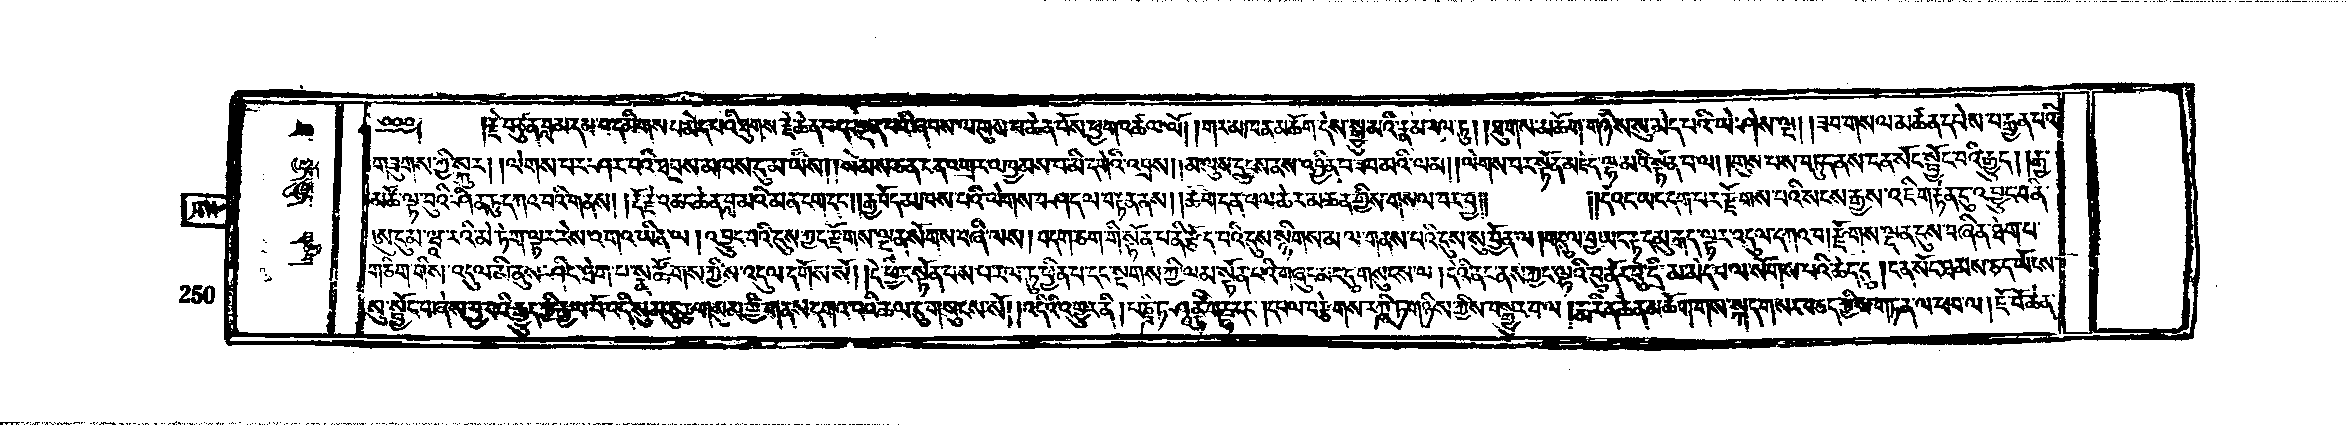༄༅༅། །རྗེ་བཙུན་བླ་མ་དམ་པ་དམིགས་པ་མེད་པའི་ཐུགས་རྗེ་ཆེན་པོ་དང་ལྡན་པའི་ཞབས་ལ་ནུས་པ་ཆེན་པོས་ཕྱག་འཚལ་ལོ། །གར་མཁན་མཆོག་དེས་སྒྱུ་མའི་རྣམ་རོལ་ཏུ། །ཐུགས་མཆོག་གཉིས་སུ་མེད་པའི་ཡེ་ཤེས་ལྔ། །ཟབ་གསལ་མཚན་དཔེས་བརྒྱན་པའི་
གཟུགས་ཀྱི་སྐུར། །ལེགས་པར་ཤར་བའི་ཐབས་མཁས་དུ་མ་ཡིས། །སེམས་ཅན་ངན་འགྲར་འཁྱམས་པ་མི་དགེའི་འབྲས། །མ་ལུས་དུངས་ནས་འབྱིན་པ་ཟབ་མའི་ལམ། །ལེགས་པར་སྟན་མཇོད་ལྷ་མའི་སྟོན་པ་ལ། །གུས་པས་བཏུད་ནས་ངན་སོང་སྦྱོང་བའི་རྒྱུད། །རྒྱ་
མཚོ་ལྟ་བུའི་ཤིན་ཏུ་དཀའ་བའི་གནས། །རྡོ་རྗེ་འཆང་ཆེན་བླ་མའི་མན་ངག་དང་། །རྒྱ་བོད་མཁས་པའི་ལེགས་བཤད་ལ་བརྟན་ནས། །ཚིག་དན་ཕལ་ཆེར་མཚན་གྱིས་གསལ་བར་བྱ།། །།དེའང་ཡང་དག་པར་རྫོགས་པའི་སངས་རྒྱས་འཇིག་རྟེན་དུ་འབྱུང་བ་ནི་
ཨུ་དུམ་ཝཱ་རའི་མེ་ཏོག་ལྟར་རེས་འགའ་ཡིན་ལ། འབྱུང་བའི་དུས་ཀྱང་རྫོགས་ལྡན་སོགས་བཞི་ལས། བདག་ཅག་གི་སྟོན་པ་ནི་རྩོད་པའི་དུས་སྙིགས་མ་ལ་གནས་པའི་དུས་སུ་བྱོན་ལ། གདུལ་བྱ་ཡང་རྟ་དམུ་རྒད་ལྟར་འདུལ་དཀའ་བ། རྫོགས་ལྡན་དུས་བཞིན་ཐེག་པ་
གཅིག་གིས་འདུལ་མི་ནུས་ཤིང་ཐེག་པ་སྣ་ཚོགས་ཀྱིས་འདུལ་དགོས་སོ། །དེ་ཕྱིར་སྟོན་པས་ཕ་རོལ་ཏུ་ཕྱིན་པ་དང་སྔགས་ཀྱི་ལམ་སྟོན་པའི་གཞུང་མང་དུ་གསུངས་ལ། དེའི་ནང་ནས་ཀྱང་ལྷའི་བུ་ནོར་བུ་དྲི་མ་མེད་པ་ལ་སོགས་པའི་ཆེད་དུ། ངན་སོང་ཐམས་ཅད་ཡོངས་
སུ་སྦྱོང་པ་ཞེས་བྱ་བའི་རྒྱུད་ཀྱི་རྒྱལ་པོ་འདི་སུམ་ཅུ་རྩ་གསུམ་གྱི་གནས་དགའ་བའི་ཆལ་དུ་གསུངས་སོ། །འདིའི་འགྱུར་ནི། པཎྜི་ཏ་ཤཱནྟི་གརྦྷ་དང་། དཔལ་བརྩེགས་རཀྵི་ཏ་གཉིས་ཀྱིས་བསྒྱུར་བ་ལ། རྨ་རིན་ཆེན་མཆོག་གས་སྐད་གསར་བཅད་ཀྱིས་གཏན་ལ་ཕབ་ལ། ཇོ་བོ་ཆེན་